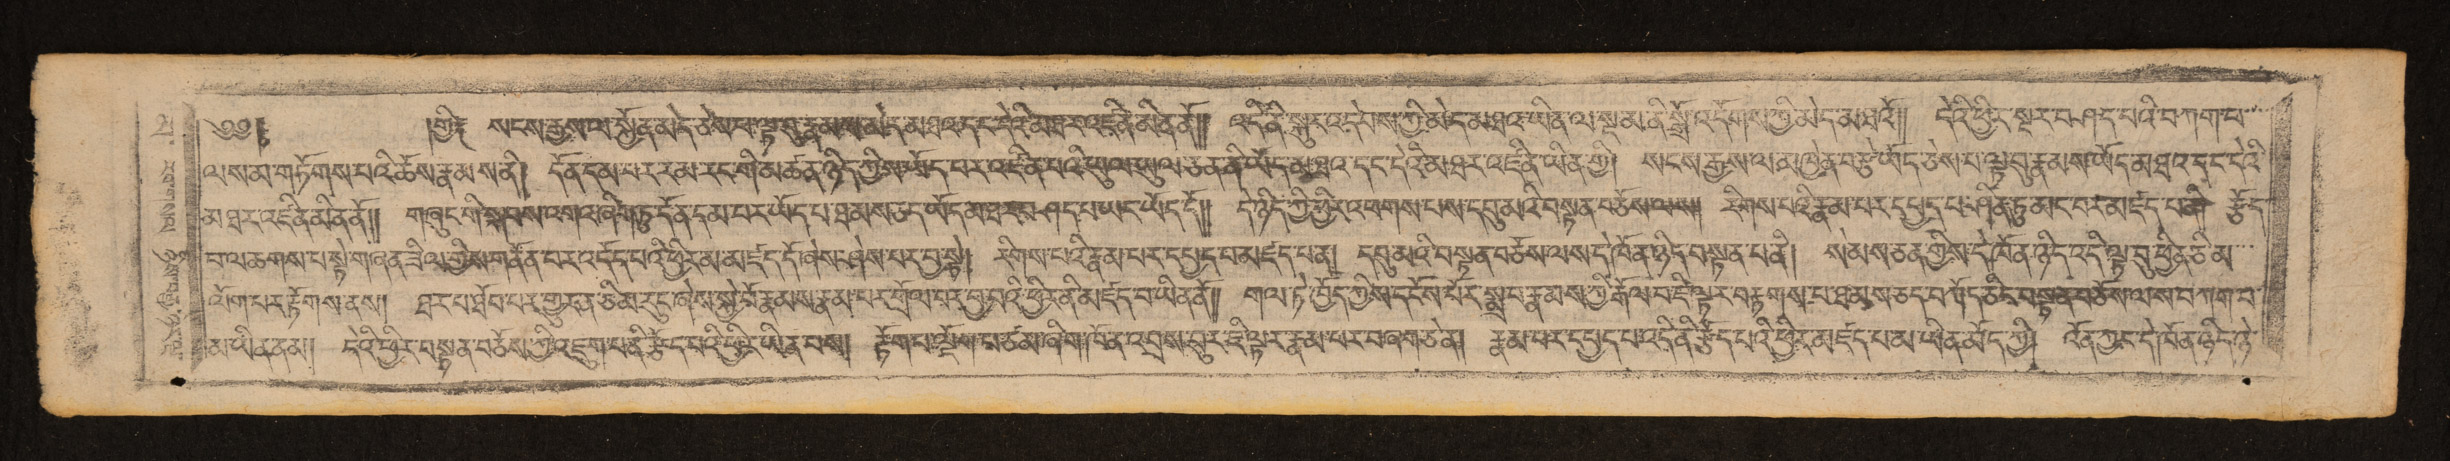༄༅། །གྱི༑ སངས་རྒྱས་ལ་སྐྱོན་མེད་ཅེས་པ་ལྟ་བུ་རྣམས་མེད་མཐའ་དང་དེའི་མཐར་འཛིན་མིན་ནོ།། འདི་ནི་སྐུར་འདེབས་ཀྱི་མེད་མཐའ་ཡིན་ལ་སྔ་མ་ནི་སྒྲོ་འདོགས་ཀྱི་མེད་མཐའ་འོ།། དེའི་ཕྱིར་སྔར་བཤད་པའི་བཀག་པ་
ལས་མ་གཏོགས་པའི་ཆོས་རྣམས་ནི། དོན་དམ་པར་རམ་རང་གི་མཚན་ཉིད་ཀྱིས་ཡོད་པར་འཛིན་པའི་ཡུལ་ཡུལ་ཅན་ནི་ཡོད་མཐའ་དང་དེའི་མཐར་འཛིན་ཡིན་གྱི། སངས་རྒྱས་ལ་མཁྱེན་བརྩེ་ཡོད་ཅེས་པ་ལྟ་བུ་རྣམས་ཡོད་མཐའ་དང་དེའི་
མཐར་འཛིན་མིན་ནོ།། གཞུང་གི་སྐབས་འགའ་ཞིག་ཏུ་དོན་དམ་པར་ཡོད་པ་ཐམས་ཅད་ཡོད་མཐར་བཤད་པ་ཡང་ཡོད་དོ།། དེ་ཉིད་ཀྱི་ཕྱིར་འཕགས་པས་དབུ་མའི་བསྟན་བཅོས་ལས། རིགས་པའི་རྣམ་པར་དཔྱད་པ་ཤིན་ཏུ་མང་བར་མཛད་པ་ནི། རྩོད་
པ་ལ་ཆགས་པ་སྟེ་གཞན་ཟིལ་གྱིས་གནོན་པར་འདོད་པའི་ཕྱིར་མ་མཛད་དོ་ཞེས་ཤེས་པར་བྱ་སྟེ། རིགས་པའི་རྣམ་པར་དཔྱད་པ་མཛད་པ་ན། དབུ་མའི་བསྟན་བཅོས་ལས་དེ་ཁོ་ན་ཉིད་བསྟན་པ་ནི། སེམས་ཅན་གྱིས་དེ་ཁོ་ན་ཉིད་འདི་ལྟ་བུ་ཕྱིན་ཅི་མ་
ལོག་པར་རྟོགས་ནས། ཐར་པ་ཐོབ་པར་གྱུར་ན་ཅི་མ་རུང་ཞེས་སྐྱེ་བོ་རྣམས་རྣམ་པར་གྲོལ་བར་བྱ་བའི་ཕྱིར་ནི་མཛད་པ་ཡིན་ནོ།། གལ་ཏེ་ཁྱོད་ཀྱིས་དངོས་པོར་སྨྲ་བ་རྣམས་ཀྱི་རྒོལ་བ་ཇི་ལྟར་བརྟགས་པ་ཐམས་ཅད་བཀོད་ཅིང་བསྟན་བཅོས་ལས་བཀག་པ་
མ་ཡིན་ནམ། དེའི་ཕྱིར་བསྟན་བཅོས་ཀྱི་འཇུག་པ་ནི་རྩོད་པའི་ཕྱིར་ཡིན་པས། རྟོག་པ་ལྡོག་པ་ཙམ་ཞིག་ཁོ་ན་འབྲས་བུར་ཇི་ལྟར་རྣམ་པར་བཞག་ཅེ་ན། རྣམ་པར་དཔྱད་པ་འདི་ནི་རྩོད་པའི་ཕྱིར་མཛད་པ་མ་ཡིན་མོད་ཀྱི། འོན་ཀྱང་དེ་ཁོ་ན་ཉིད་ཉེ་